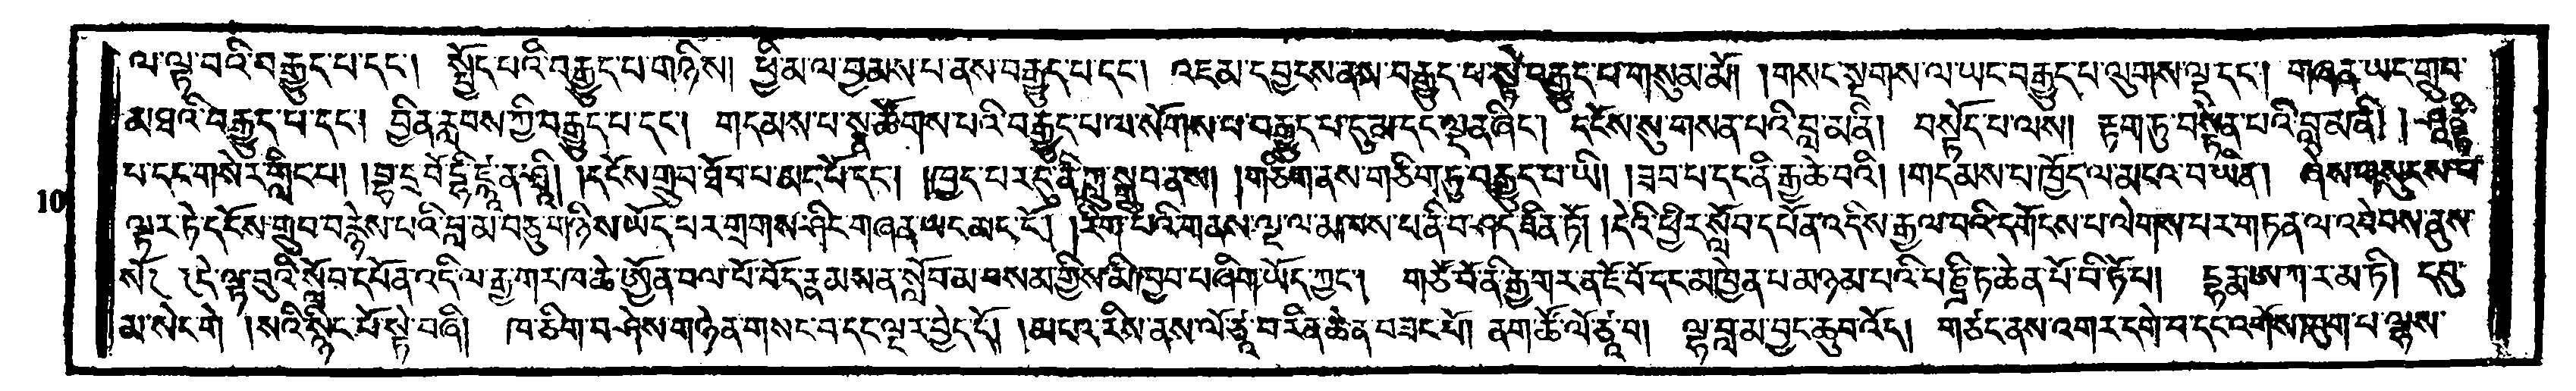ལ་ལྟ་བའི་བརྒྱུད་པ་དང་། སྤྱོད་པའི་བརྒྱུད་པ་གཉིས། ཕྱི་མ་ལ་བྱམས་པ་ནས་བརྒྱུད་པ་དང་། འཇམ་དབྱངས་ནས་བརྒྱུད་པ་སྟེ་བརྒྱུད་པ་གསུམ་མོ། །གསང་སྔགས་ལ་ཡང་བརྒྱུད་པ་ལུགས་ལྔ་དང་། གཞན་ཡང་གྲུབ་
མཐའི་བརྒྱུད་པ་དང་། བྱིན་རླབས་ཀྱི་བརྒྱུད་པ་དང་། གདམས་པ་སྣ་ཚོགས་པའི་བརྒྱུད་པ་ལ་སོགས་པ་བརྒྱུད་པ་དུ་མ་དང་ལྡན་ཞིང་། དངོས་སུ་གསན་པའི་བླ་མ་ནི། བསྟོད་པ་ལས། རྟག་ཏུ་བསྟེན་པའི་བླ་མ་ནི། ཤཱནྟི་
པ་དང་གསེར་གླིང་པ། །བྷ་དྲ་བོ་དྷི་ཛྙཱ་ན་ཤྲཱི། །དངོས་གྲུབ་ཐོབ་པ་མང་པོ་དང་། །ཁྱད་པར་དུ་ནི་ཀླུ་སྒྲུབ་ནས། །གཅིག་ནས་གཅིག་ཏུ་བརྒྱུད་པ་ཡི། །ཟབ་པ་དང་ནི་རྒྱ་ཆེ་བའི། །གདམས་པ་ཁྱོད་ལ་མངའ་བ་ཡིན། ཞེས་གསུངས་པ་
ལྟར་ཏེ་དངོས་གྲུབ་བརྙེས་པའི་བླ་མ་བཅུ་གཉིས་ཡོད་པར་གྲགས་ཤིང་གཞན་ཡང་མང་ངོ། །རིག་པའི་གནས་ལྔ་ལ་མཁས་པ་ནི་བཤད་ཟིན་ཏོ། །དེའི་ཕྱིར་སློབ་དཔོན་འདིས་རྒྱལ་བའི་དགོངས་པ་ལེགས་པར་གཏན་ལ་འབེབས་ནུས་
སོ༑ ༑དེ་ལྟ་བུའི་སློབ་དཔོན་འདི་ལ་རྒྱ་གར་ཁ་ཆེ་ཨཡོན་བལ་པོ་བོད་རྣམས་ན་སློབ་མ་བསམ་གྱིས་མི་ཁྱབ་པ་ཞིག་ཡོད་ཀྱང་། གཙོ་བོ་ནི་རྒྱ་གར་ན་ཇོ་བོ་དང་མཁྱེན་པ་མཉམ་པའི་པཎྜི་ཏ་ཆེན་པོ་བི་ཏོ་པ། དྷརྨ་ཨ་ཀ་ར་མ་ཏི། དབུ་
མ་སེང་གེ །སའི་སྙིང་པོ་སྟེ་བཞི། ཁ་ཅིག་བཤེས་གཉེན་གསང་བ་དང་ལྔར་བྱེད་དོ། །མངའ་རིས་ནས་ལོ་ཙཱ་བ་རིན་ཆེན་བཟང་པོ། ནག་ཚོ་ལོ་ཙཱ་བ། ལྷ་བླ་མ་བྱང་ཆུབ་འོད། གཙང་ནས་འགར་དགེ་བ་དང་འགོས་ཁུག་པ་ལྷས་